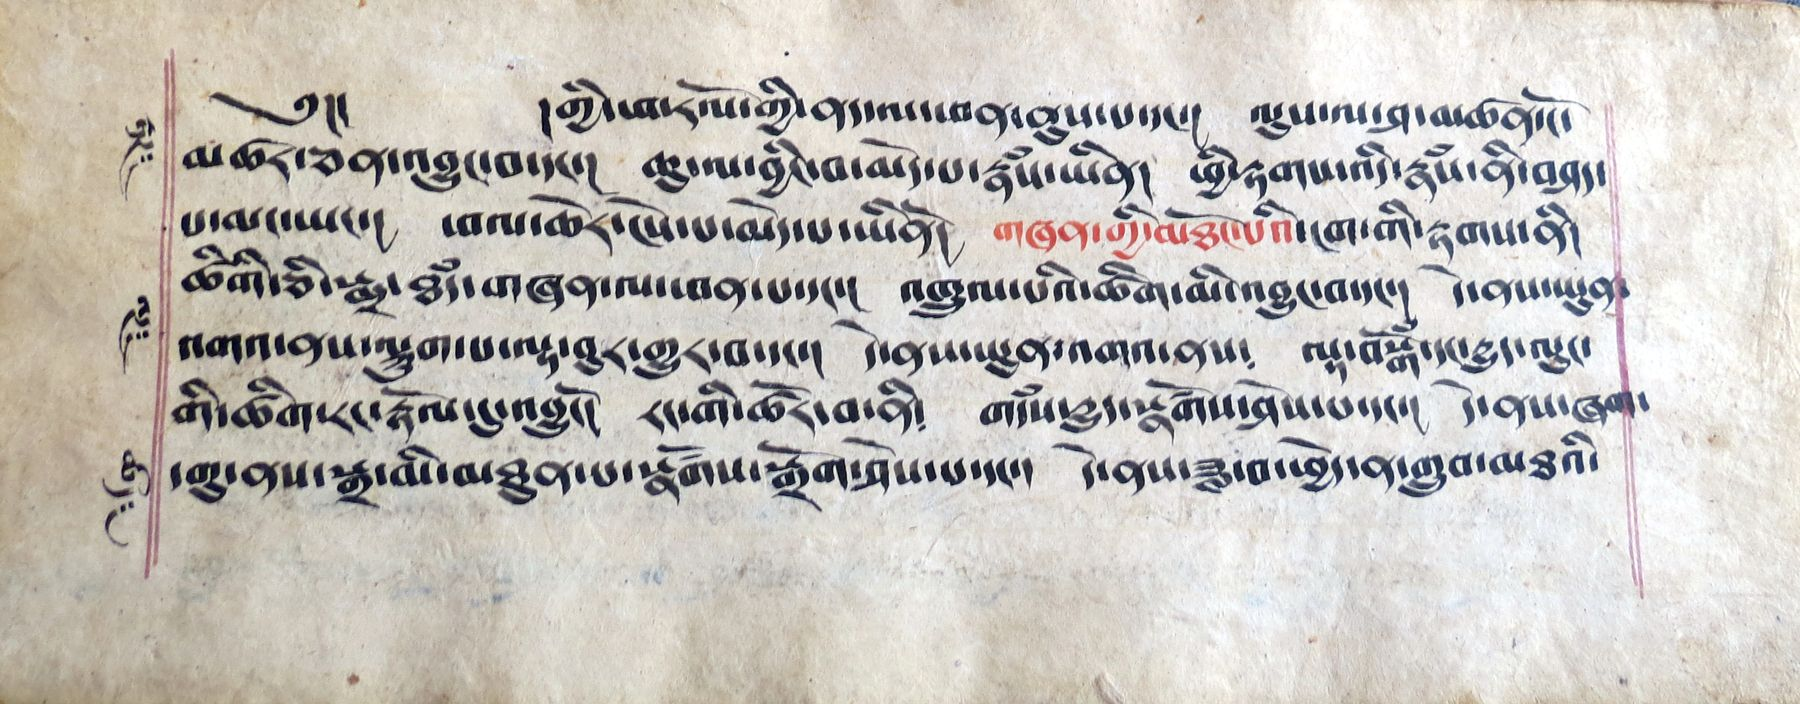གྱིས། ཕ་རོལ་གྱི་ནད་ལ་ཕན་ནུས་པ་དང་། ལུས་ལ་ཤ་མཚན་ངོ་
མཚར་ཅན་འབྱུང་བ་དང་། ཆུ་ལ་བྱིང་པ་མེད་པ་རྣམས་ཡིན། ཕྱི་རྟགས་འདི་རྣམས་ནི་བཤད་
པ་མང་ཡང་། ཕལ་ཆེར་ངེས་པ་མེད་པ་ཡིན་ནོ། །གཞན་གྱིས་མཐོང་པའི་ངག་གི་རྟགས་ནི། 
ཚིག་ཅི་སྨྲས་ཐམས་ཅད་གཞན་ལ་ཕན་པ་དང་། འཁྲུལ་པའི་ཚིག་མི་འབྱུང་བ་དང་། དེ་ནས་ཡུན་
འགའ་ན་ལྐུགས་པ་ལྟ་བུར་འགྱུར་བ་དང་། དེ་ནས་ཡུན་འགའ་ན་ལྟ་སྒོམ་དང་རྒྱུད་ལུང་
གི་ཚིག་རྣམས་རང་རྡོལ་དུ་འབྱུང་ངོ་། །རང་གིས་ཚོར་པ་ནི། གདམས་རྒྱུད་སྣ་ཚོགས་ཤེས་པ་དང་། དེ་ནས་ཞག་
དགུ་ནས། སྒྲ་མི་མཐུན་པ་སྣ་ཚོགས་སྒྲོགས་ཤེས་པ་དང་། དེ་ནས་ཟླ་བ་ཕྱེད་ནས། གྲུབ་མཐའི་